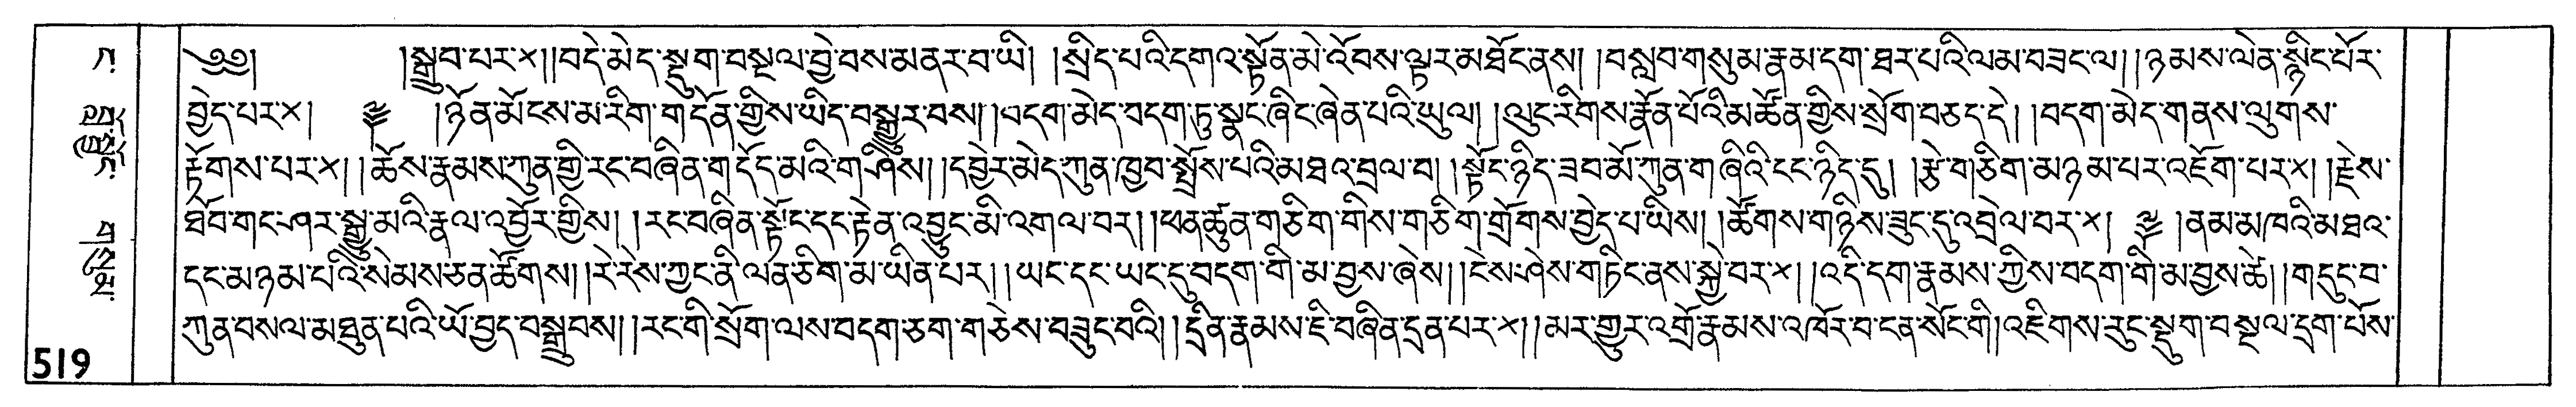༄༅། །སྒྲུབ་པར་྾། །བདེ་མེད་སྡུག་བསྔལ་བྱེ་བས་མནར་བ་ཡི། །སྲིད་པའི་དགའ་སྟོན་མེ་འོབས་ལྟར་མཐོང་ནས། །བསླབ་གསུམ་རྣམ་དག་ཐར་པའི་ལམ་བཟང་ལ། །ཉམས་ལེན་སྙིང་པོར་
བྱེད་པར་྾། ༈ །ཉོན་མོངས་མ་རིག་གདོན་གྱིས་ཡིད་བསྒྱུར་བས། །བདག་མེད་བདག་ཏུ་སྣང་ཞིང་ཞེན་པའི་ཡུལ། །ལུང་རིགས་རྣོན་པོའི་མཚོན་གྱིས་སྲོག་བཅད་དེ། །བདག་མེད་གནས་ལུགས་
རྟོགས་པར་྾། །ཆོས་རྣམས་ཀུན་གྱི་རང་བཞིན་གདོད་མའི་གཤིས། །དབྱེར་མེད་ཀུན་ཁྱབ་སྤྲོས་པའི་མཐའ་བྲལ་བ། །སྟོང་ཉིད་ཟབ་མོ་ཀུན་གཞིའི་ངང་ཉིད་དུ། །རྩེ་གཅིག་མཉམ་པར་འཇོག་པར་྾། །རྗེས་
ཐོབ་གང་ཤར་སྒྱུ་མའི་རྣལ་འབྱོར་གྱིས། །རང་བཞིན་སྟོང་དང་རྟེན་འབྱུང་མི་འགལ་བར། །ཕན་ཚུན་གཅིག་གིས་གཅིག་གྲོགས་བྱེད་པ་ཡིས། །ཚོགས་གཉིས་ཟུང་དུ་འབྲེལ་བར་྾། ༈ །ནམ་མཁའི་མཐའ་
དང་མཉམ་པའི་སེམས་ཅན་ཚོགས། །རེ་རེས་ཀྱང་ནི་ལན་ཅིག་མ་ཡིན་པར། །ཡང་དང་ཡང་དུ་བདག་གི་མ་བྱས་ཞེས། །ངེས་ཤེས་གཏིང་ནས་སྐྱེ་བར་྾། །འདི་དག་རྣམས་ཀྱིས་བདག་གི་མ་བྱས་ཚེ། །གདུང་བ་
ཀུན་བསལ་མཐུན་པའི་ཡོ་བྱད་བསྒྲུབས། །རང་གི་སྲོག་ལས་བདག་ཅག་གཅེས་བཟུང་བའི། །དྲིན་རྣམས་ཇི་བཞིན་དྲན་པར་྾། །མར་གྱུར་འགྲོ་རྣམས་འཁོར་བ་ངན་སོང་གི །འཇིགས་རུང་སྡུག་བསྔལ་དྲག་པོས་